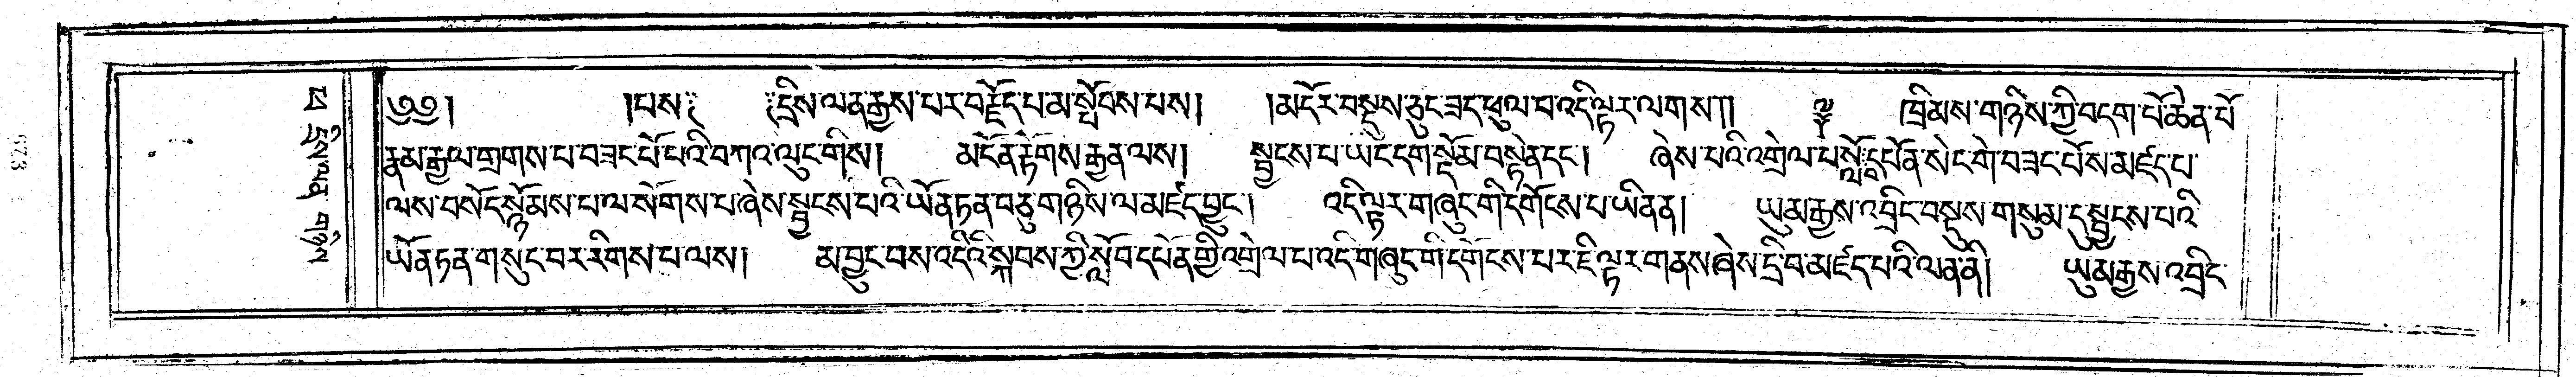༄༅། །པས༑ ༑དྲིས་ལན་རྒྱས་པར་བརྗོད་པ་མ་སྤོབས་པས། །མདོར་བསྡུས་ཅུང་ཟད་ཕུལ་བ་འདི་ལྟར་ལགས།། ༈ ཁྲིམས་གཉིས་ཀྱི་བདག་པོ་ཆེན་པོ་
རྣམ་རྒྱལ་གྲགས་པ་བཟང་པོ་པའི་བཀའ་ལུང་གིས། མངོན་རྟོགས་རྒྱན་ལས། སྦྱངས་པ་ཡང་དག་སྡོམ་བསྟེན་དང་། ཞེས་པའི་འགྲེལ་པ་སློབ་དཔོན་སེང་གེ་བཟང་པོས་མཛད་པ་
ལས་བསོད་སྙོམས་པ་ལ་སོགས་པ་ཞེས་སྦྱངས་པའི་ཡོན་ཏན་བཅུ་གཉིས་ལ་མཛད་བྱུང་། འདི་ལྟར་གཞུང་གི་དགོངས་པ་ཡིན་ན། ཡུམ་རྒྱས་འབྲིང་བསྡུས་གསུམ་དུ་སྦྱངས་པའི་
ཡོན་ཏན་གསུང་བར་རིགས་པ་ལས། མ་བྱུང་བས་འདིའི་སྐབས་ཀྱི་སློབ་དཔོན་གྱི་འགྲེལ་པ་འདི་གཞུང་གི་དགོངས་པར་ཇི་ལྟར་གནས་ཞེས་དྲི་བ་མཛད་པའི་ལན་ནི། ཡུམ་རྒྱས་འབྲིང་